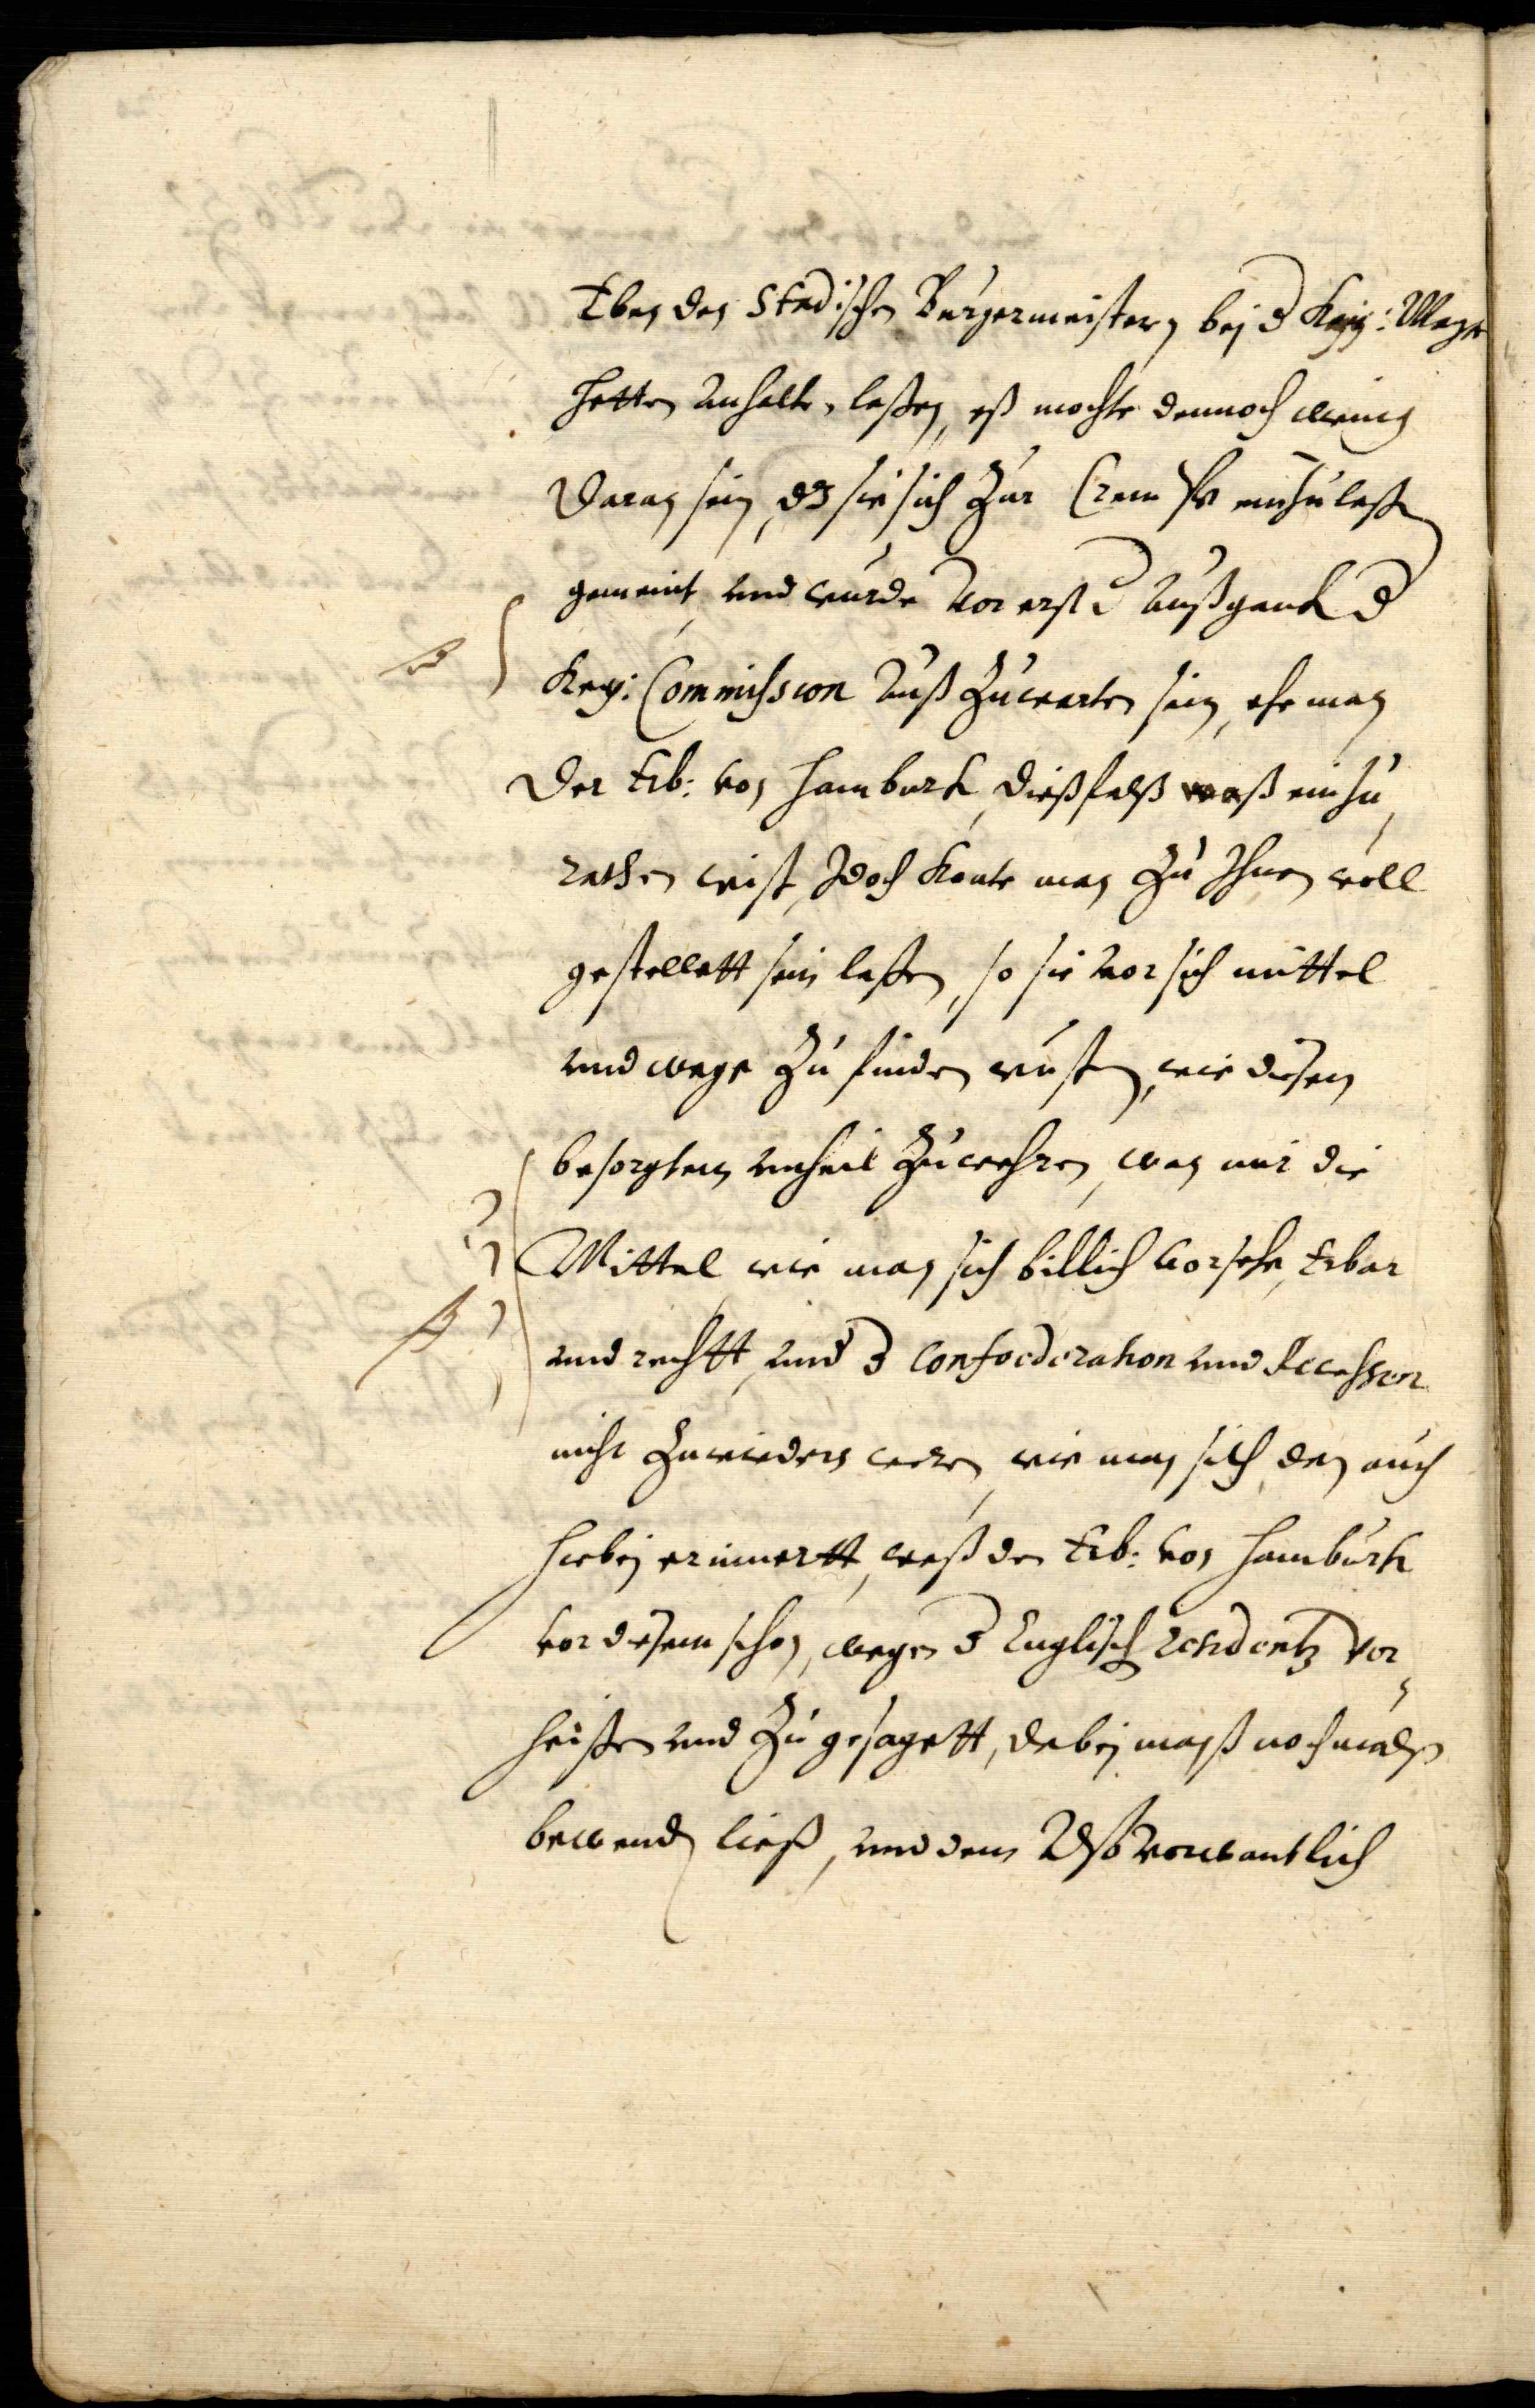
Eben den Stadischen Burgermeistern bei der Kaij: Mayt
hetten anhalten laßen, eß mochte dennoch wenig
daran sein, das sie sich zur Crempe einzulaßen
gemeint vnd wurde vor erst der außgank der
Key: Commission auß zuwarten sein, ehe man
der Erb: von Hamburk dießfalß waß einzu¬
rathen wist, jdoch konte man zu Ihnen voll
gestellett sein laßen, so sie vor sich mittel
vnd wege zu finden wusten, wie diesen
besorgtem vnheil zu wehren, wan nur die
Mittel wie man sich billich vorsehe, Erbar
vnd rechtt, vnd der Confoederation vnnd Recessen
nicht zuwiedern weren, wie man sich den auch
hiebej erinnertt, waß den Erb. von Hamburk
vor diesem schon, wegen der Englischen residentz vor¬
heißen vnd zu gesagett, dabei manß nochmalß
bewenden ließ, vnd dem Also vorwantlich
